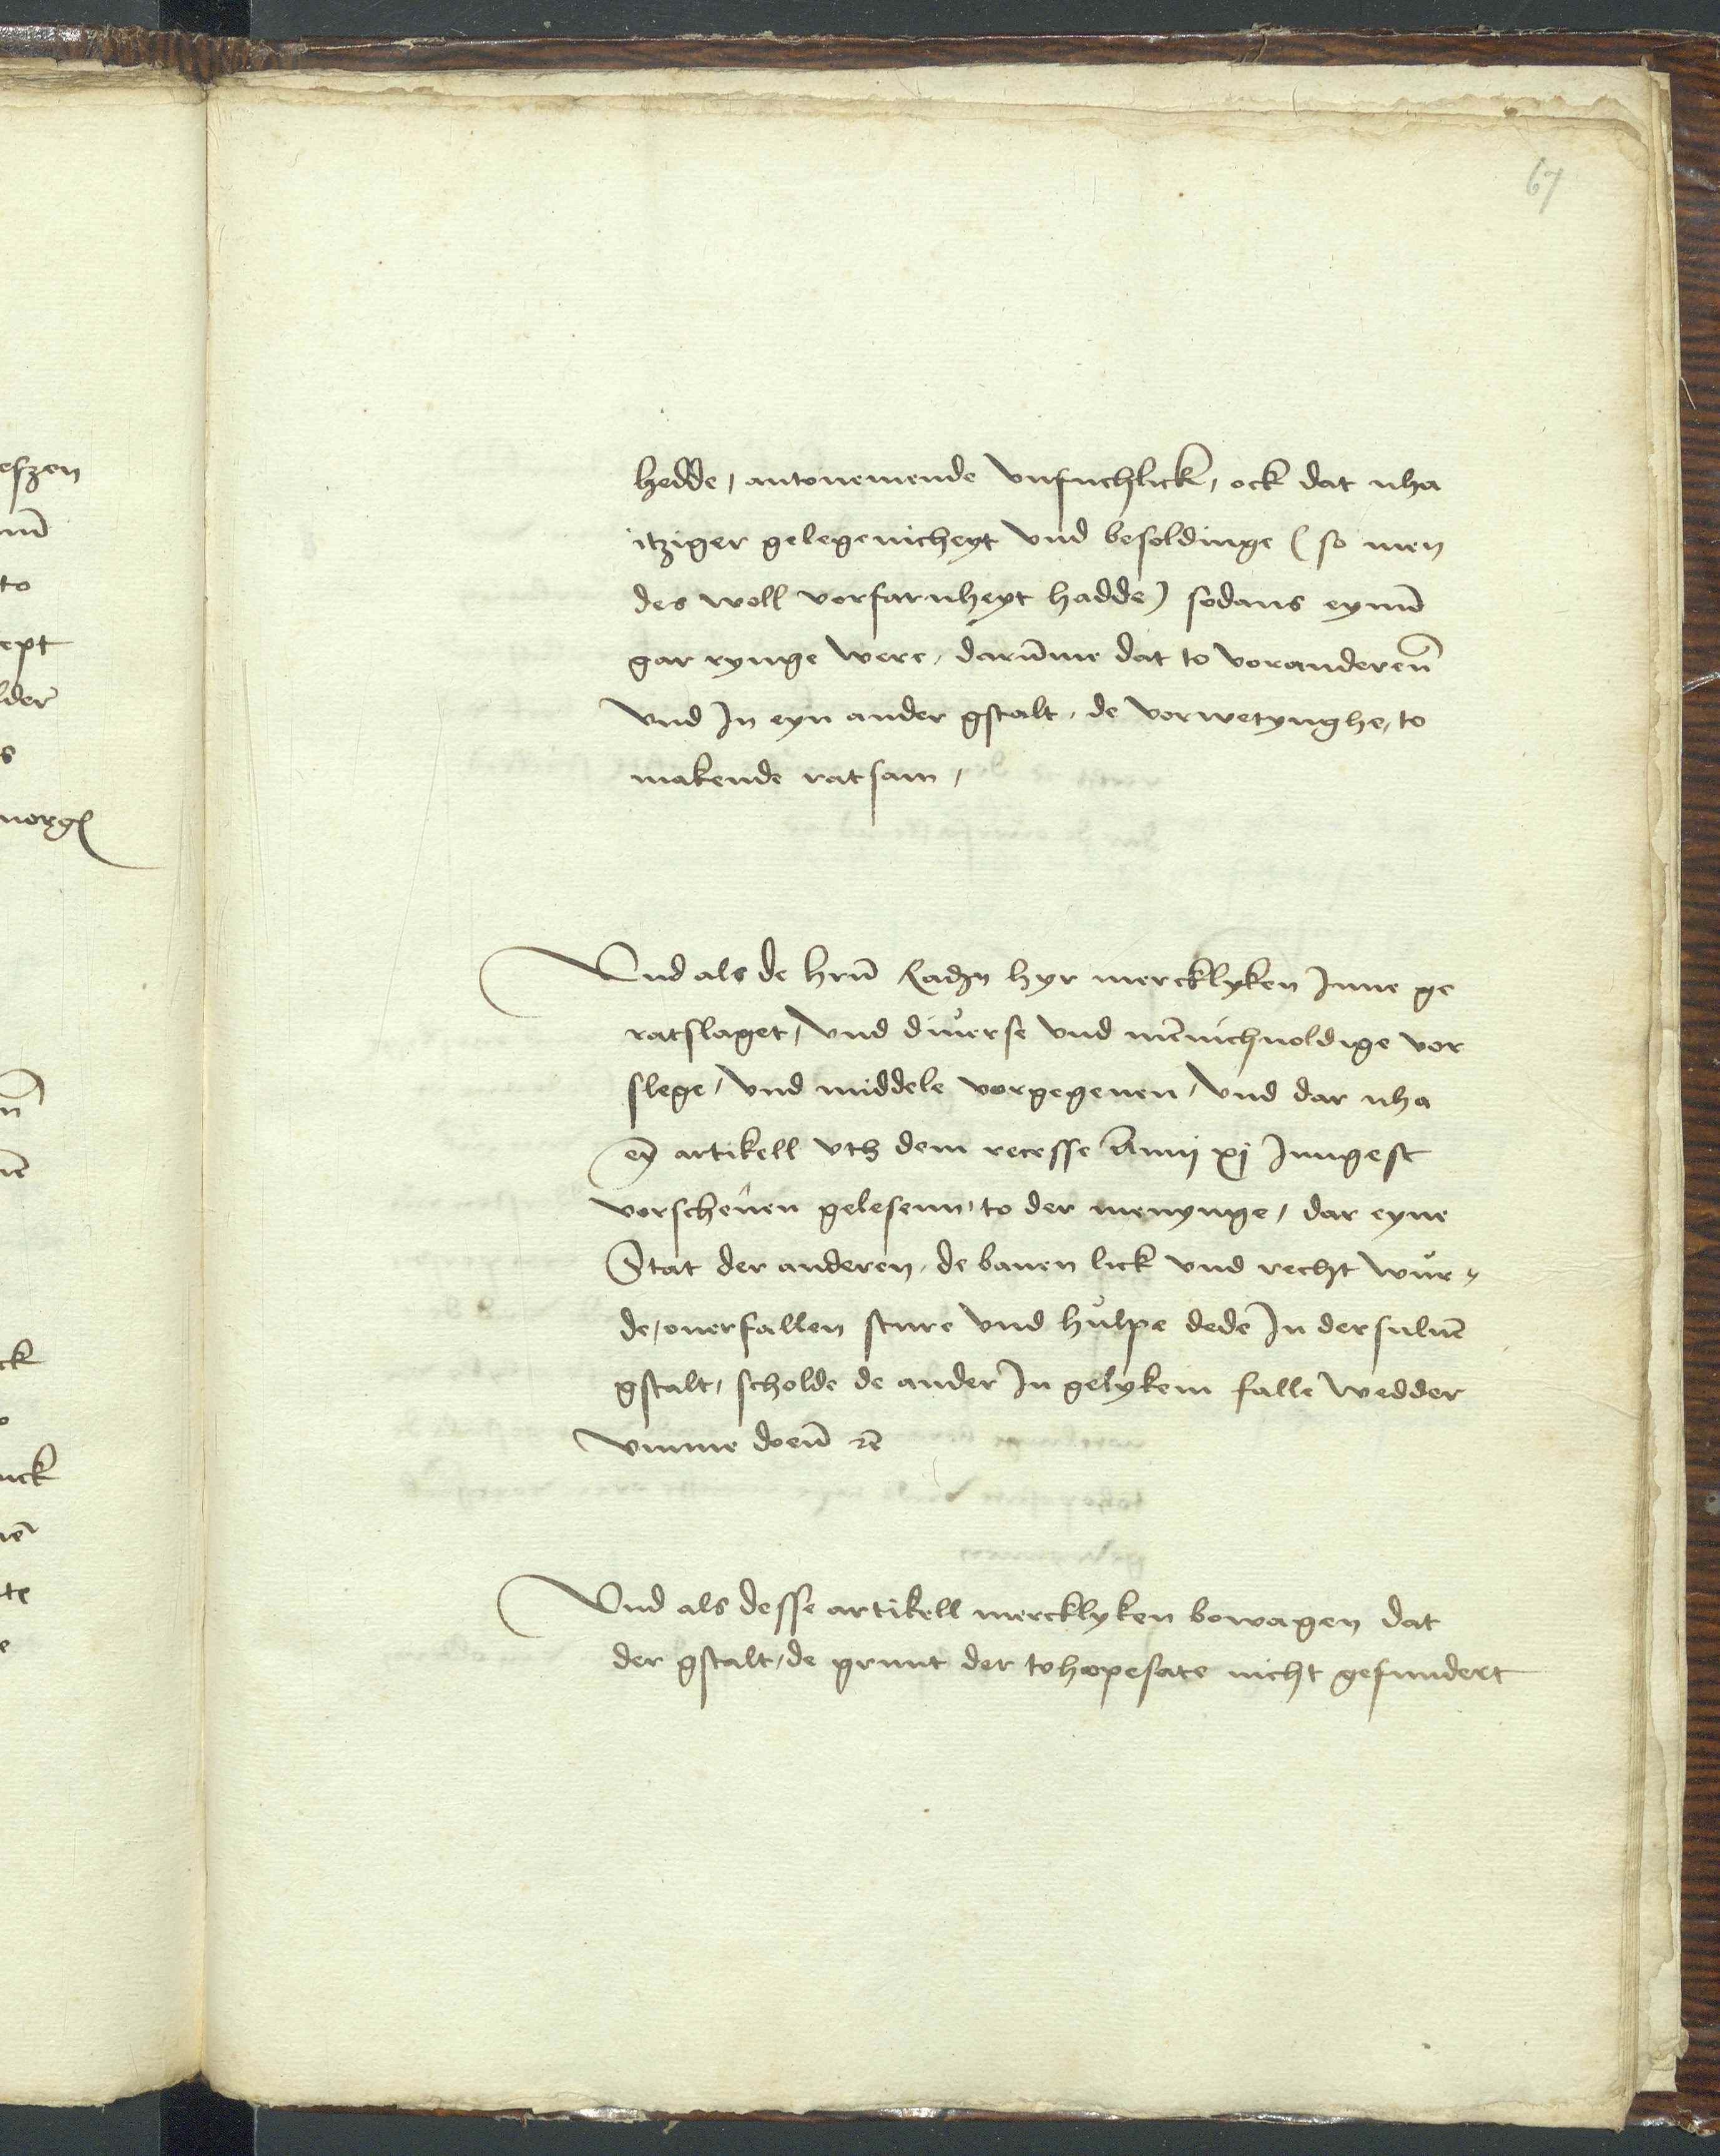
hedde, antonemende vnfuchlick, ock dat nha
itziger gelegenicheyt vnd besoldinge (so men
des woll vorfarenheyt hadde) sodans eynen
gar rynge werr, darumme dat to voranderen
vnd Jn eyn ander gstalt, de vorwertynghe, to
makende ratsam,
Vnd als de hern Radessendebaden hyr mercklyken Jnne ge¬
ratslaget, vnd diuerse vnd mennichuoldige vor¬
slege, vnd middele vorgegeuen, vnd dar nha
eyn artikell vth dem recesse Annj xj Jungest
vorschenen gelesenn, to der menynge, dar eyne
Stat der anderen, de bauen lick vnd recht wur¬
de, ouerfallen sture vnd hulpe dede Jn dersuluen
gstalt, scholde de ander Jn gelykem falle wedder
vmme doenn etc
Vnd als desse artikell mercklyken bowagen dat
der gstalt, de grunt der tohopesate nicht gefundert
